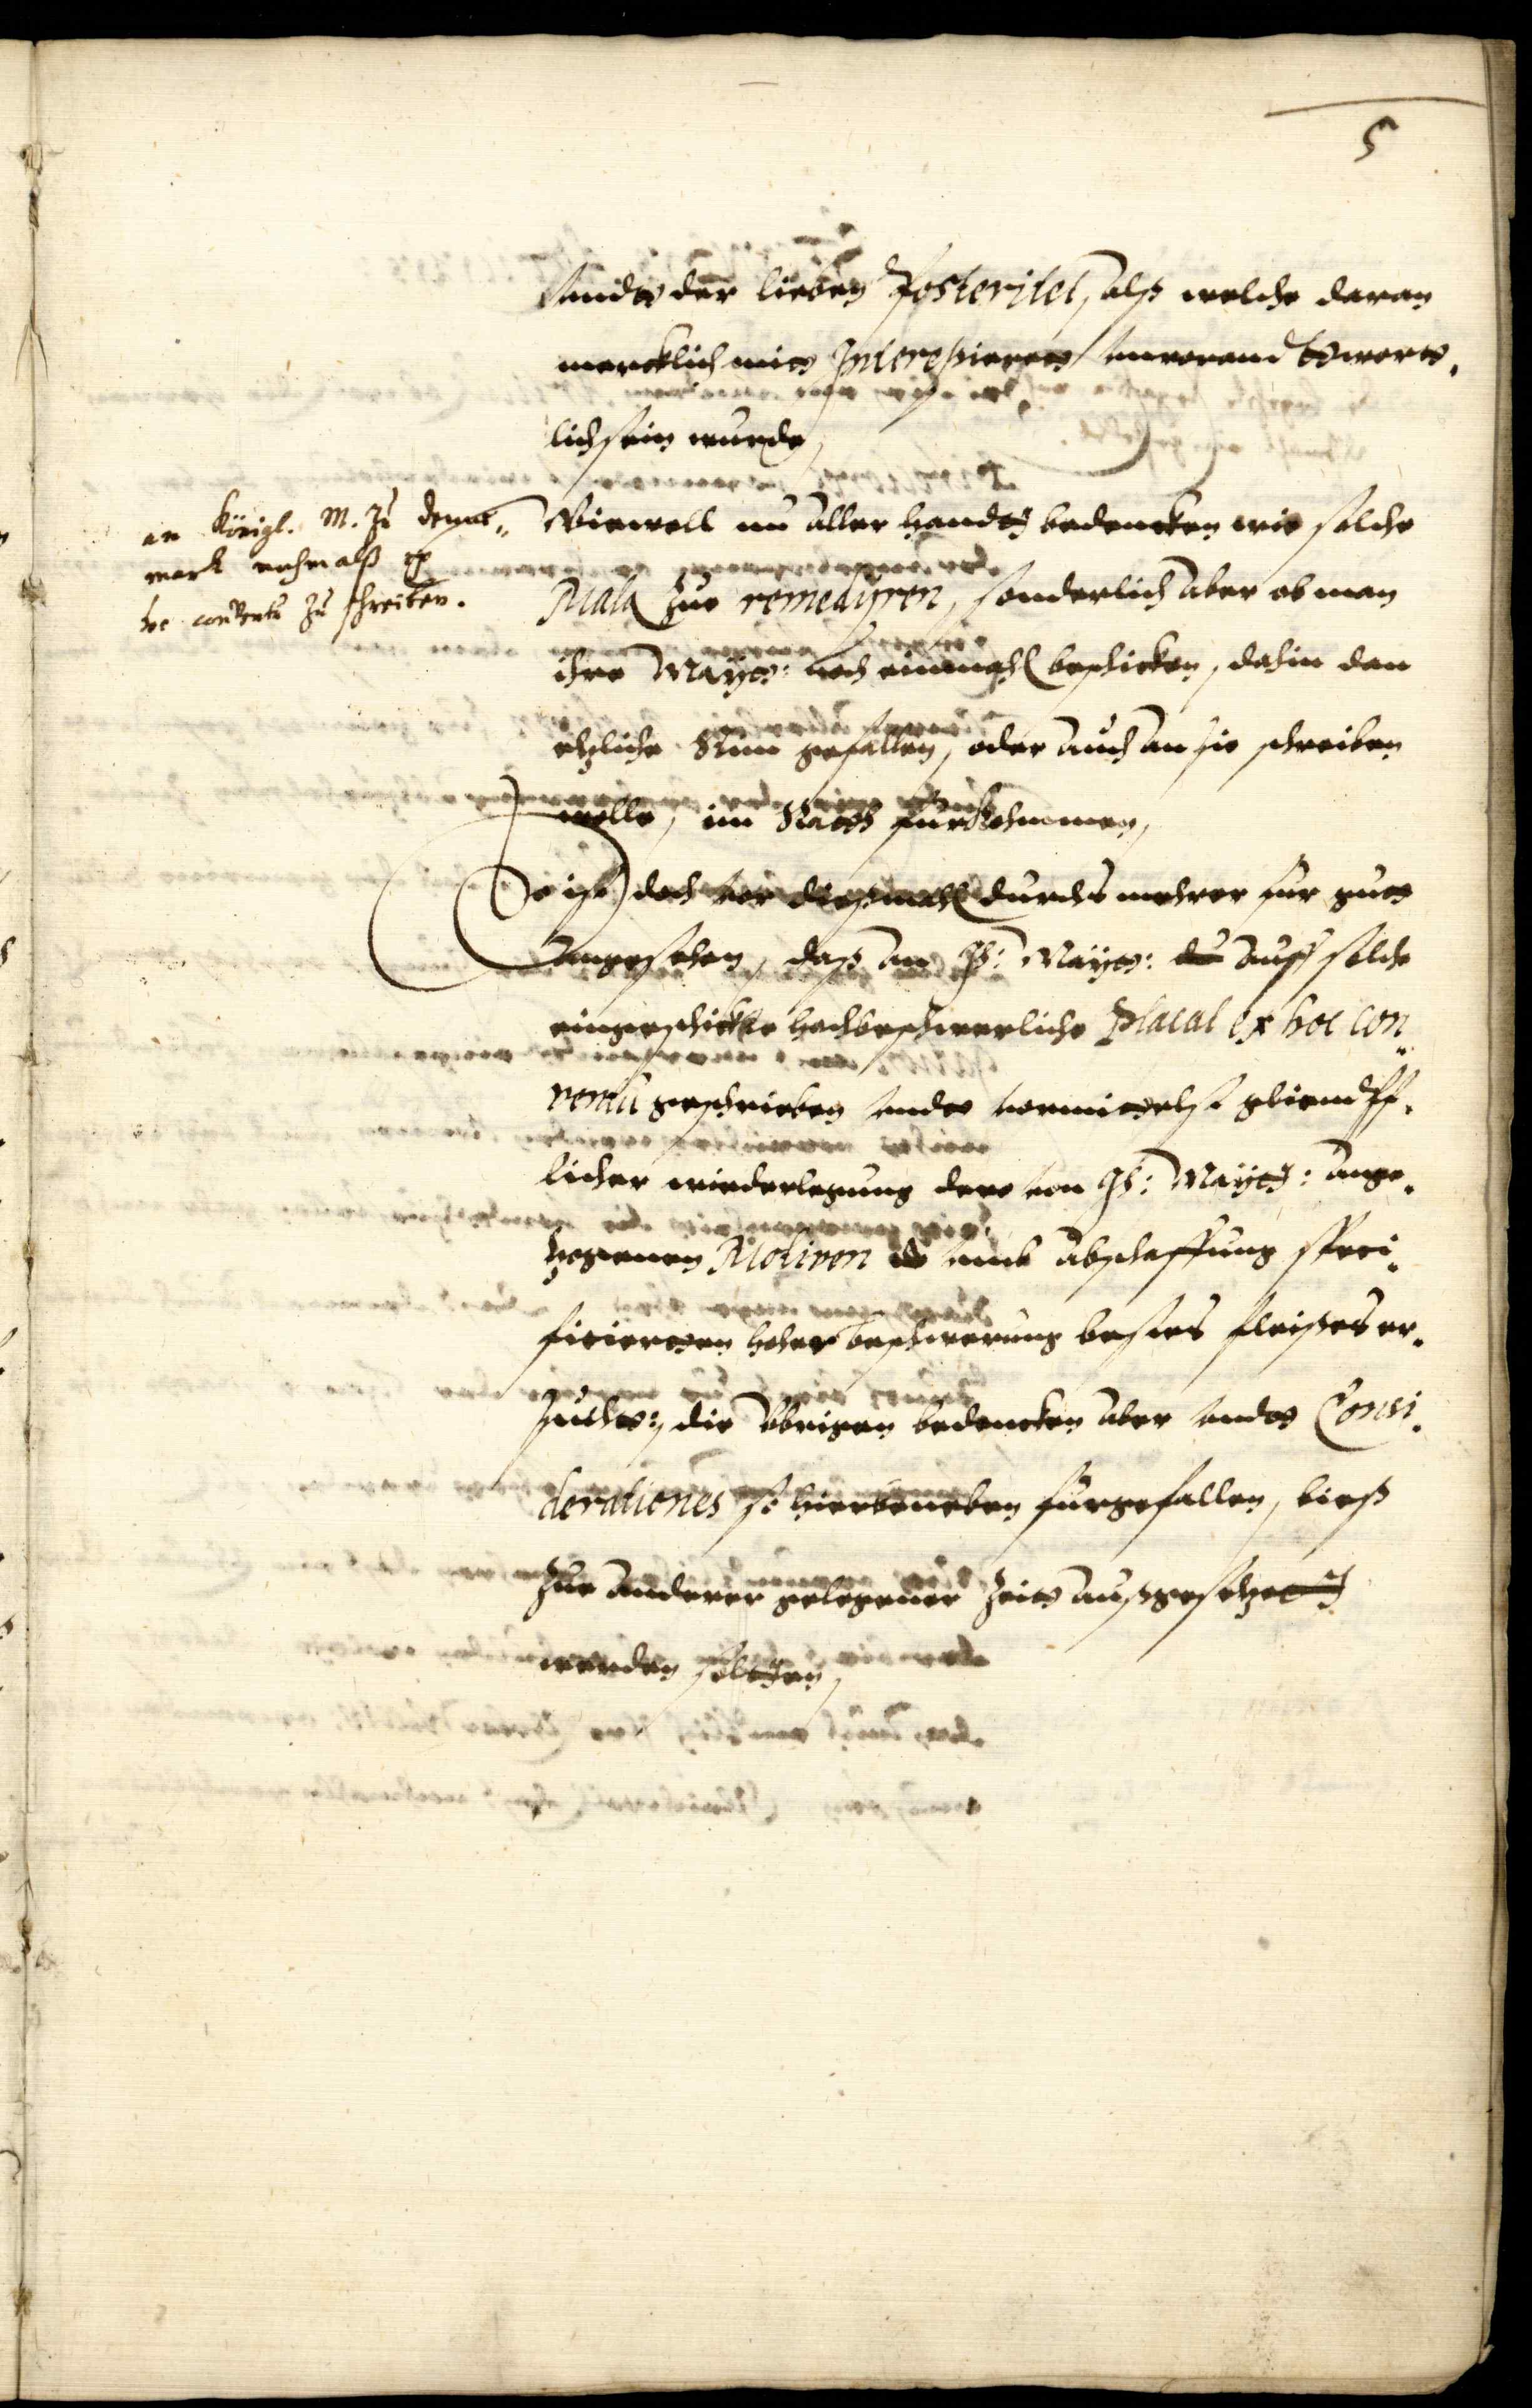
5
an köngl. M. zu denne¬
mark nuhmalß ex
hoc conventu zu schreiben.
vndtt der lieben Posteritet, alß welche daran
mercklich mitt Interessierett vnvorandttwortt¬
lich sein wurde,
Wiewoll nu Aller handtt bedencken wie solche
Mala zue remedijren, sonderlich Aber ob man
ihre Maijtt: noch einmall beschicken, dahin dan
etzliche Stim gefallen, oder Auch An sie schreiben
wolle, im Ratth furkohmmen,
So ist doch vor diesmahl durchs mehrer fur gutt
angesehen, daß An Ih: Maijtt: du Auff solche
eingeschicktte hochbeschwerliche Placat ex hoc con¬
ventu geschrieben vndtt vormittelst gliempf¬
licher wiederlegung dero von Ih: Maijtt: ange¬
tzogenen Motiven abe vmb Abschaffung speci¬
ficiertten hoher beschwerung bestes fleißes er¬
suchtt:, die Vbrigen bedencken Aber vndtt Consi¬
derationes so hierbeneben furgefallen, bieß
zue anderer gelegener Zeitt Außgesetzett
werden soltten,
